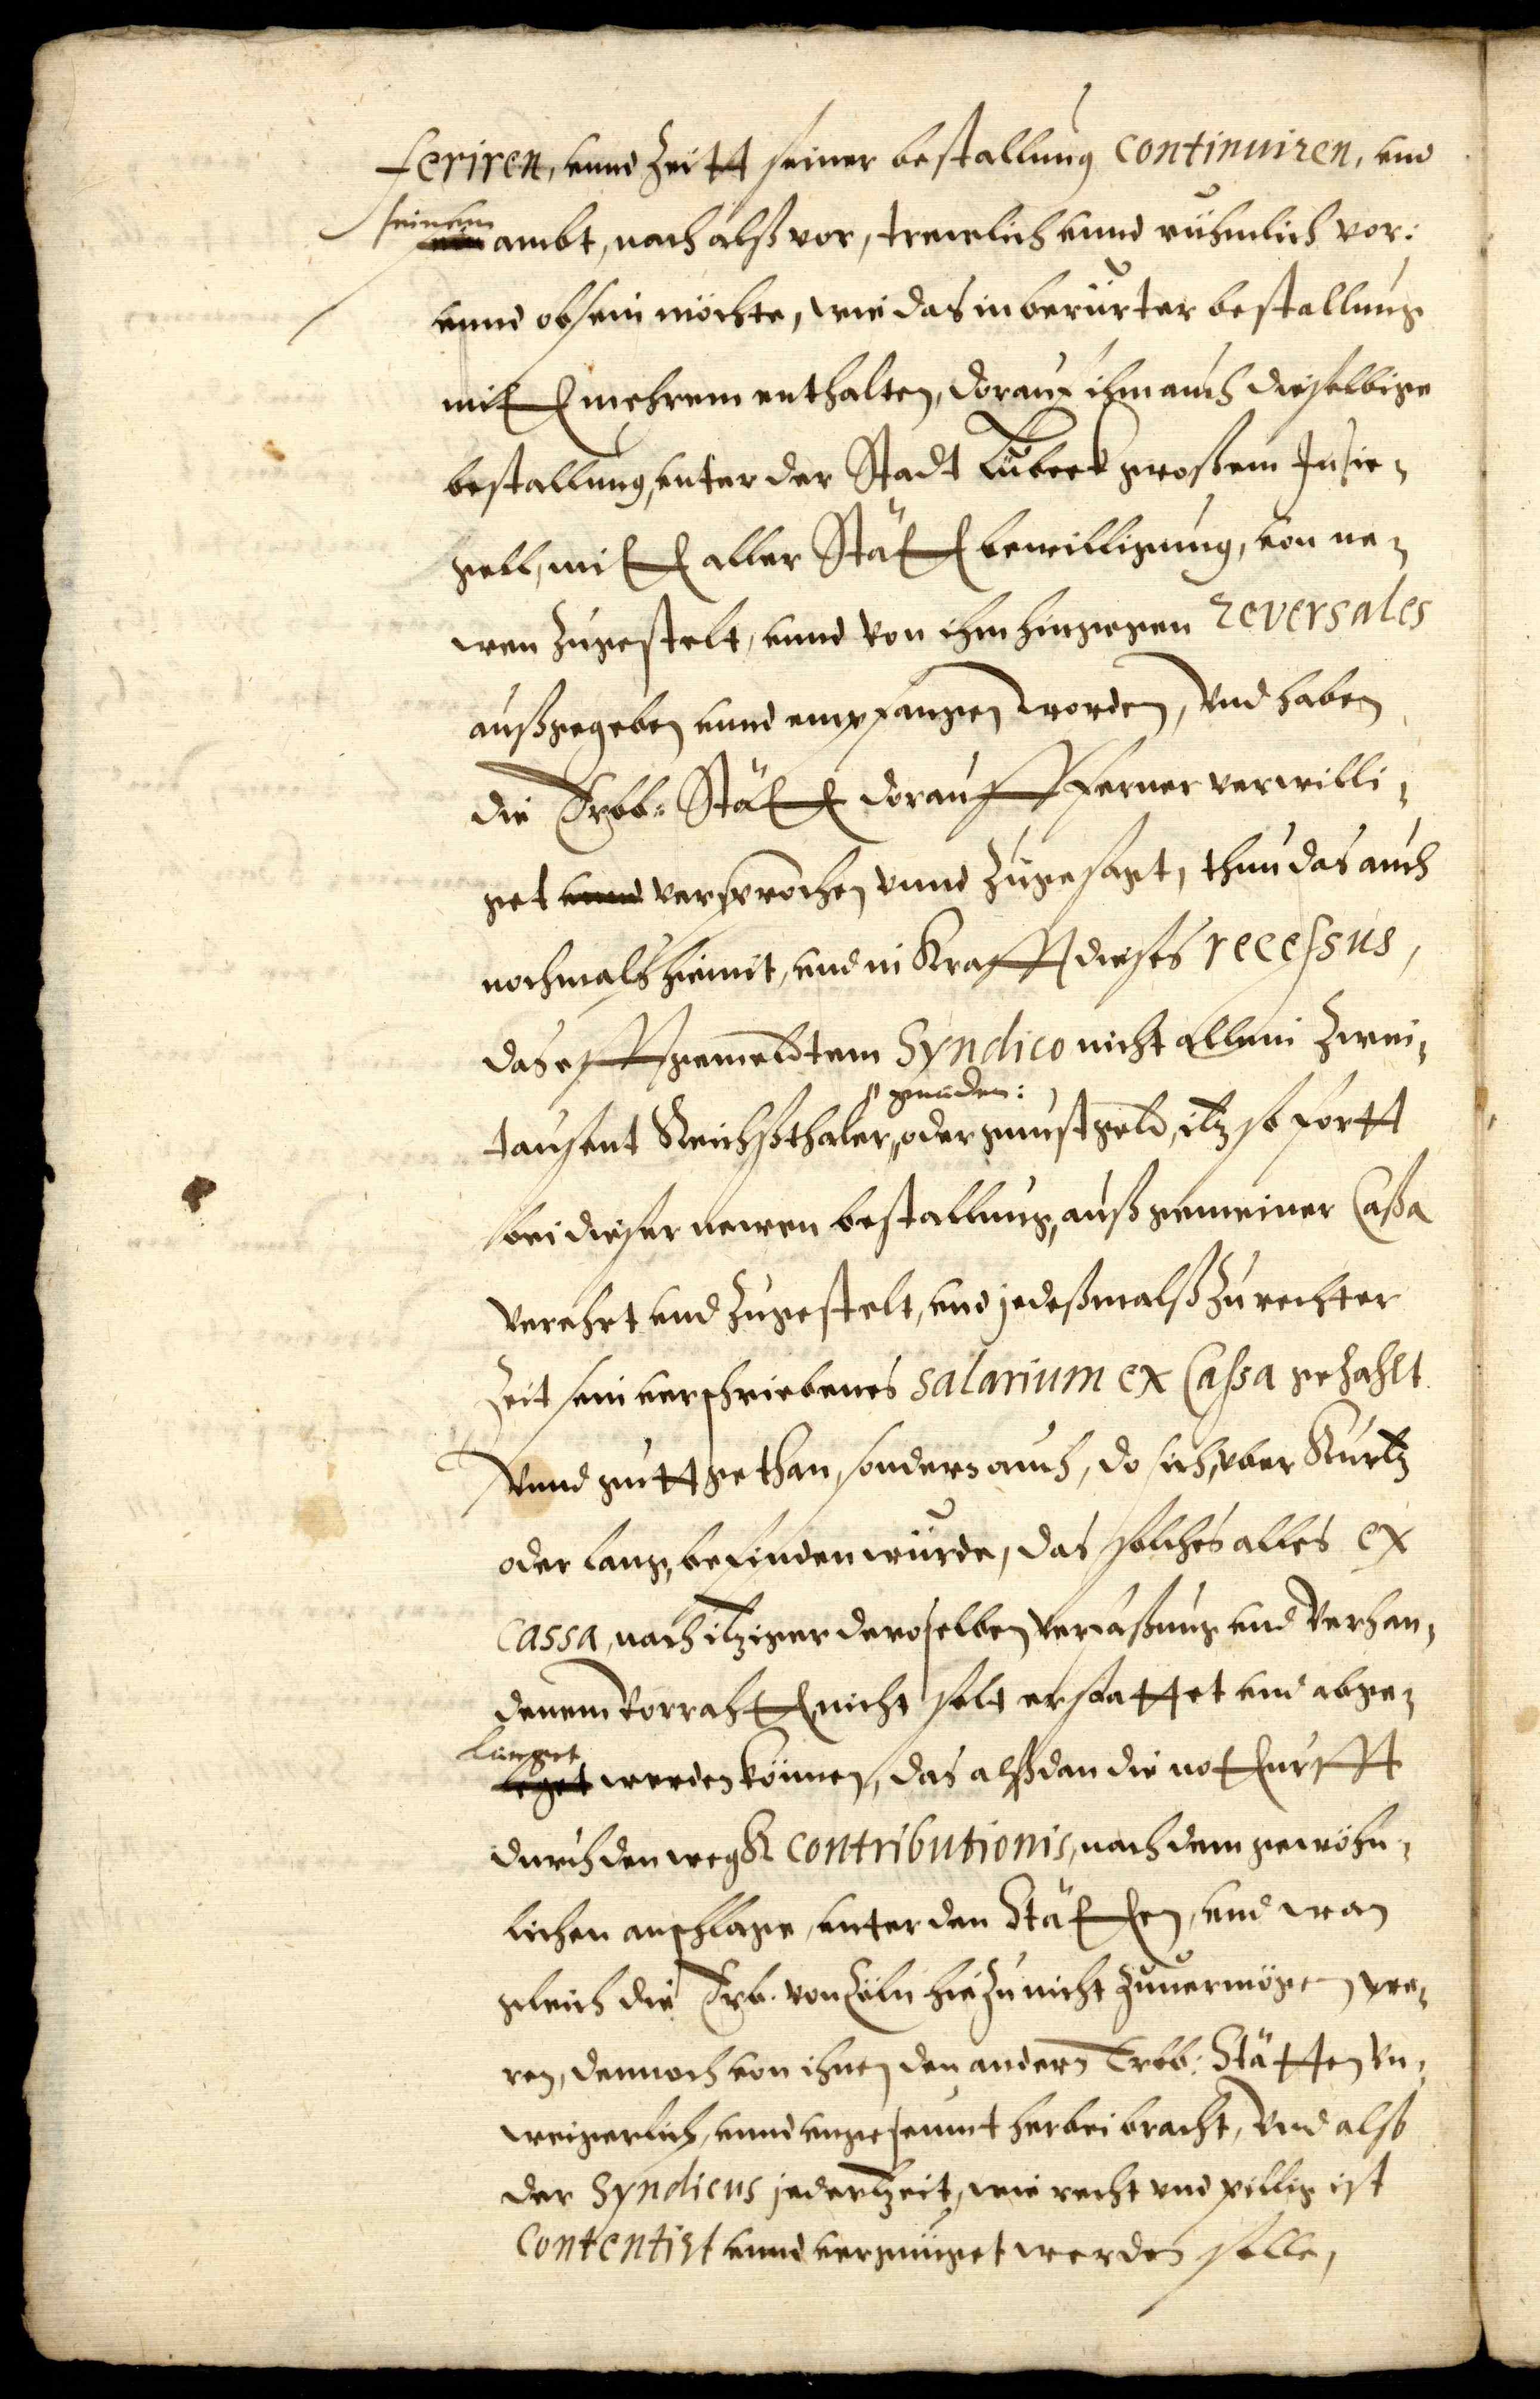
feriren, vnnd Zeitt seiner bestallung continuiren, vnd
seinem ambt, nach alß vor, trewlich vnnd rühmlich vor:
vnnd obsein möchte, wie das in berürter bestallung
mitt mehrem enthalten, dorauf ihm auch dieselbige
bestallung, vnter der Stadt Lübeck großem Insie¬
gell, mitt aller Stätt bewilligung, von ne¬
wem Zugestelt, vnnd von ihm hingegen reversales
außgegeben vnnd empfangen Worden, Vnd haben
die Erbb: Stätt dorauff ferner verwilli¬
get vnnd versprochen vnnd Zugesagt, thun das auch
nochmals hiemit, vnd in krafft dieses recessus,
das offt gemeldtem Syndico nicht allein Zwei¬
tausent Reichßthaler *gnaden: oder gunstgeld, itz sofortt
bei dieser newen bestallung, auß gemeiner Caßa
Verehrt vnd Zugestelt, vnd jedeßmalß Zu rechter
Zeit sein verschriebenes salarium ex cassa geZahlt
Vnnd guttgethan, sondern auch, do sich, vber Kurtz
oder lang, befinden würde , das solches alles ex
cassa, nach itziger deroselben Verfaßung vnd Verhan¬
denem Vorrahtt, nicht solt erstattet vnd abge¬
langet werden können, das alßdan die notturfft
durch den wegk contributionis, nach dem gewöhn¬
lichen anschlage, vnter den Stätten, vnd wan
gleich die Erb. von Cöln hieZu nicht Zuuermögen we¬
ren, dennoch von ihnen den andern Erbb: Stätten Vn¬
weigerlich, vnnd vngeseumt herbei bracht, Vnd also
der Syndicus jedertzeit, wie recht vnd pillig ist
Contentirt vnnd vergnüeget werden solle,
